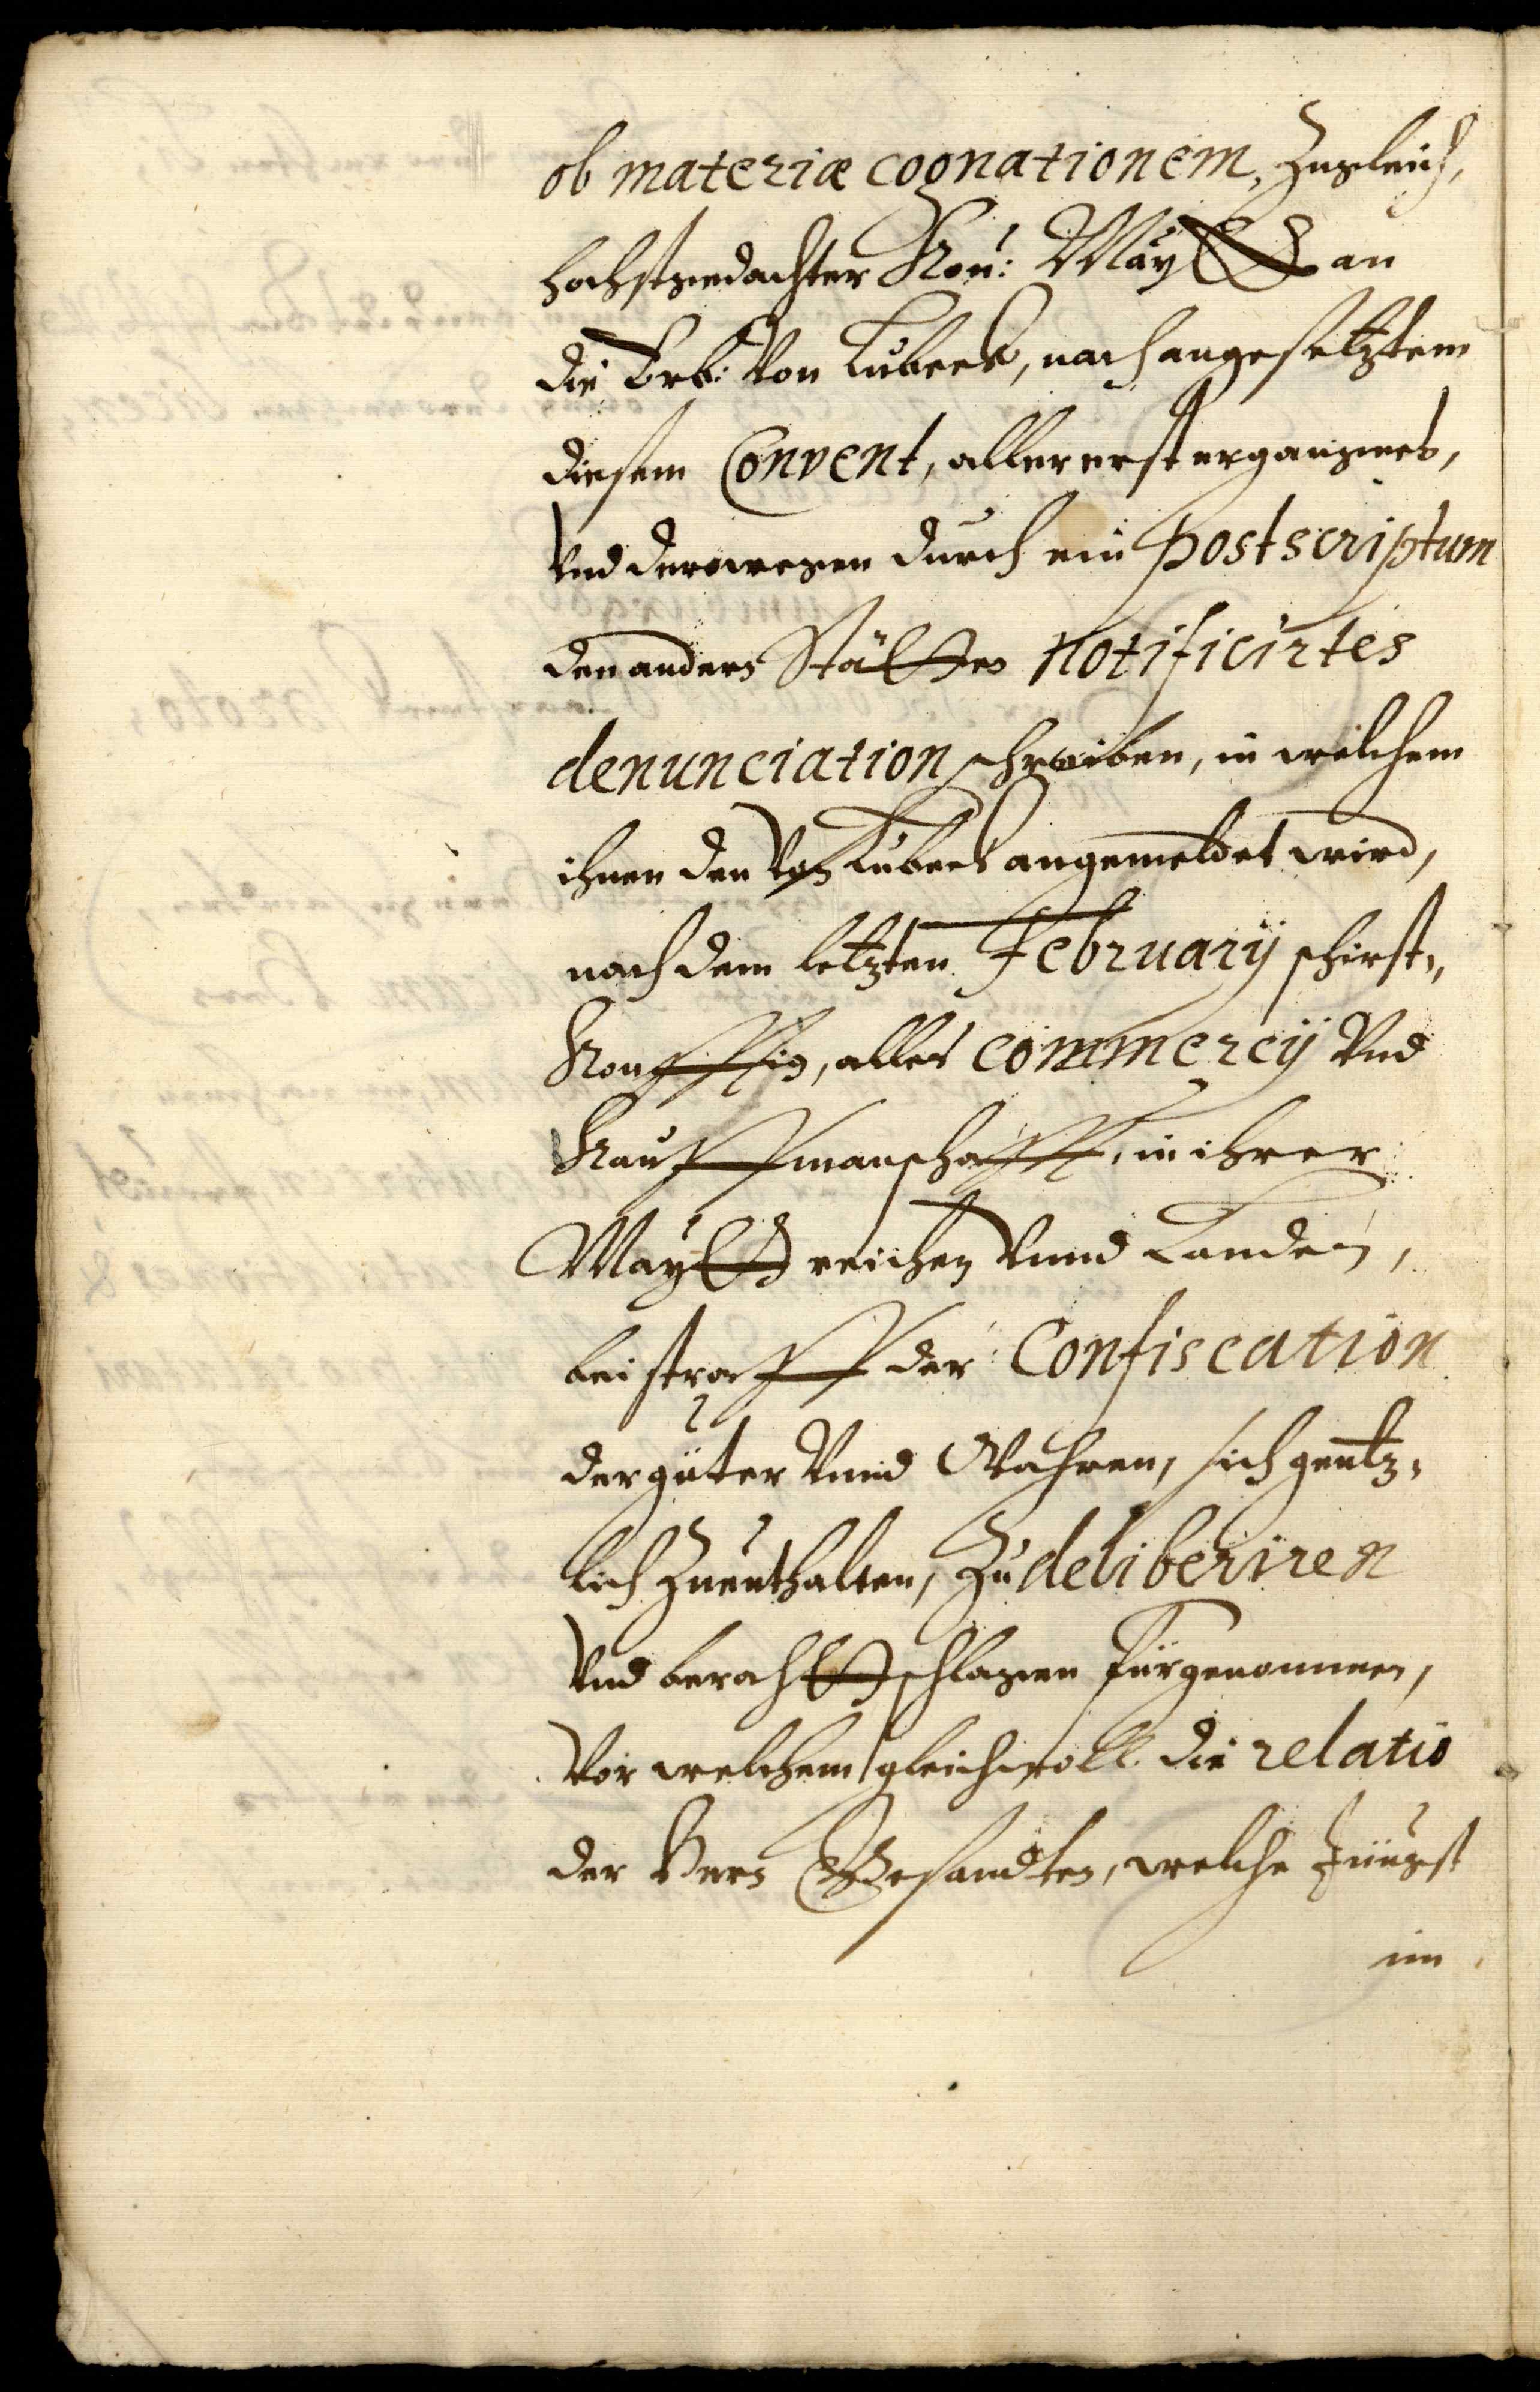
ob materiae cognationem, zugleich,
hochstgedachter Kon: Maytt an
die Erb: Von Lubeck, nach angesetztem
diesem Convent, aller erst ergangenes,
Vnd derowegen durch ein postscriptum
den andern Stätten notificirtes
denunciation schreiben, in welchem
ihnen den Von Lubeck angemeldet wird,
nachdem letzten Februarij schirst¬
konfftig, alles commercij Vnd
Kauffmanschafft, in ihrer
Maytt reichen Vnnd Landen,
bei straff der Confiscation
der güter Vnnd Wahren, sich gentz¬
lich Zueenthalten, Zu deliberiren
Vnd berahttschlagen fürgenommen,
Von welchem gleichwoll die relatio
der Hern Gesandten, welche Jüngst
im
